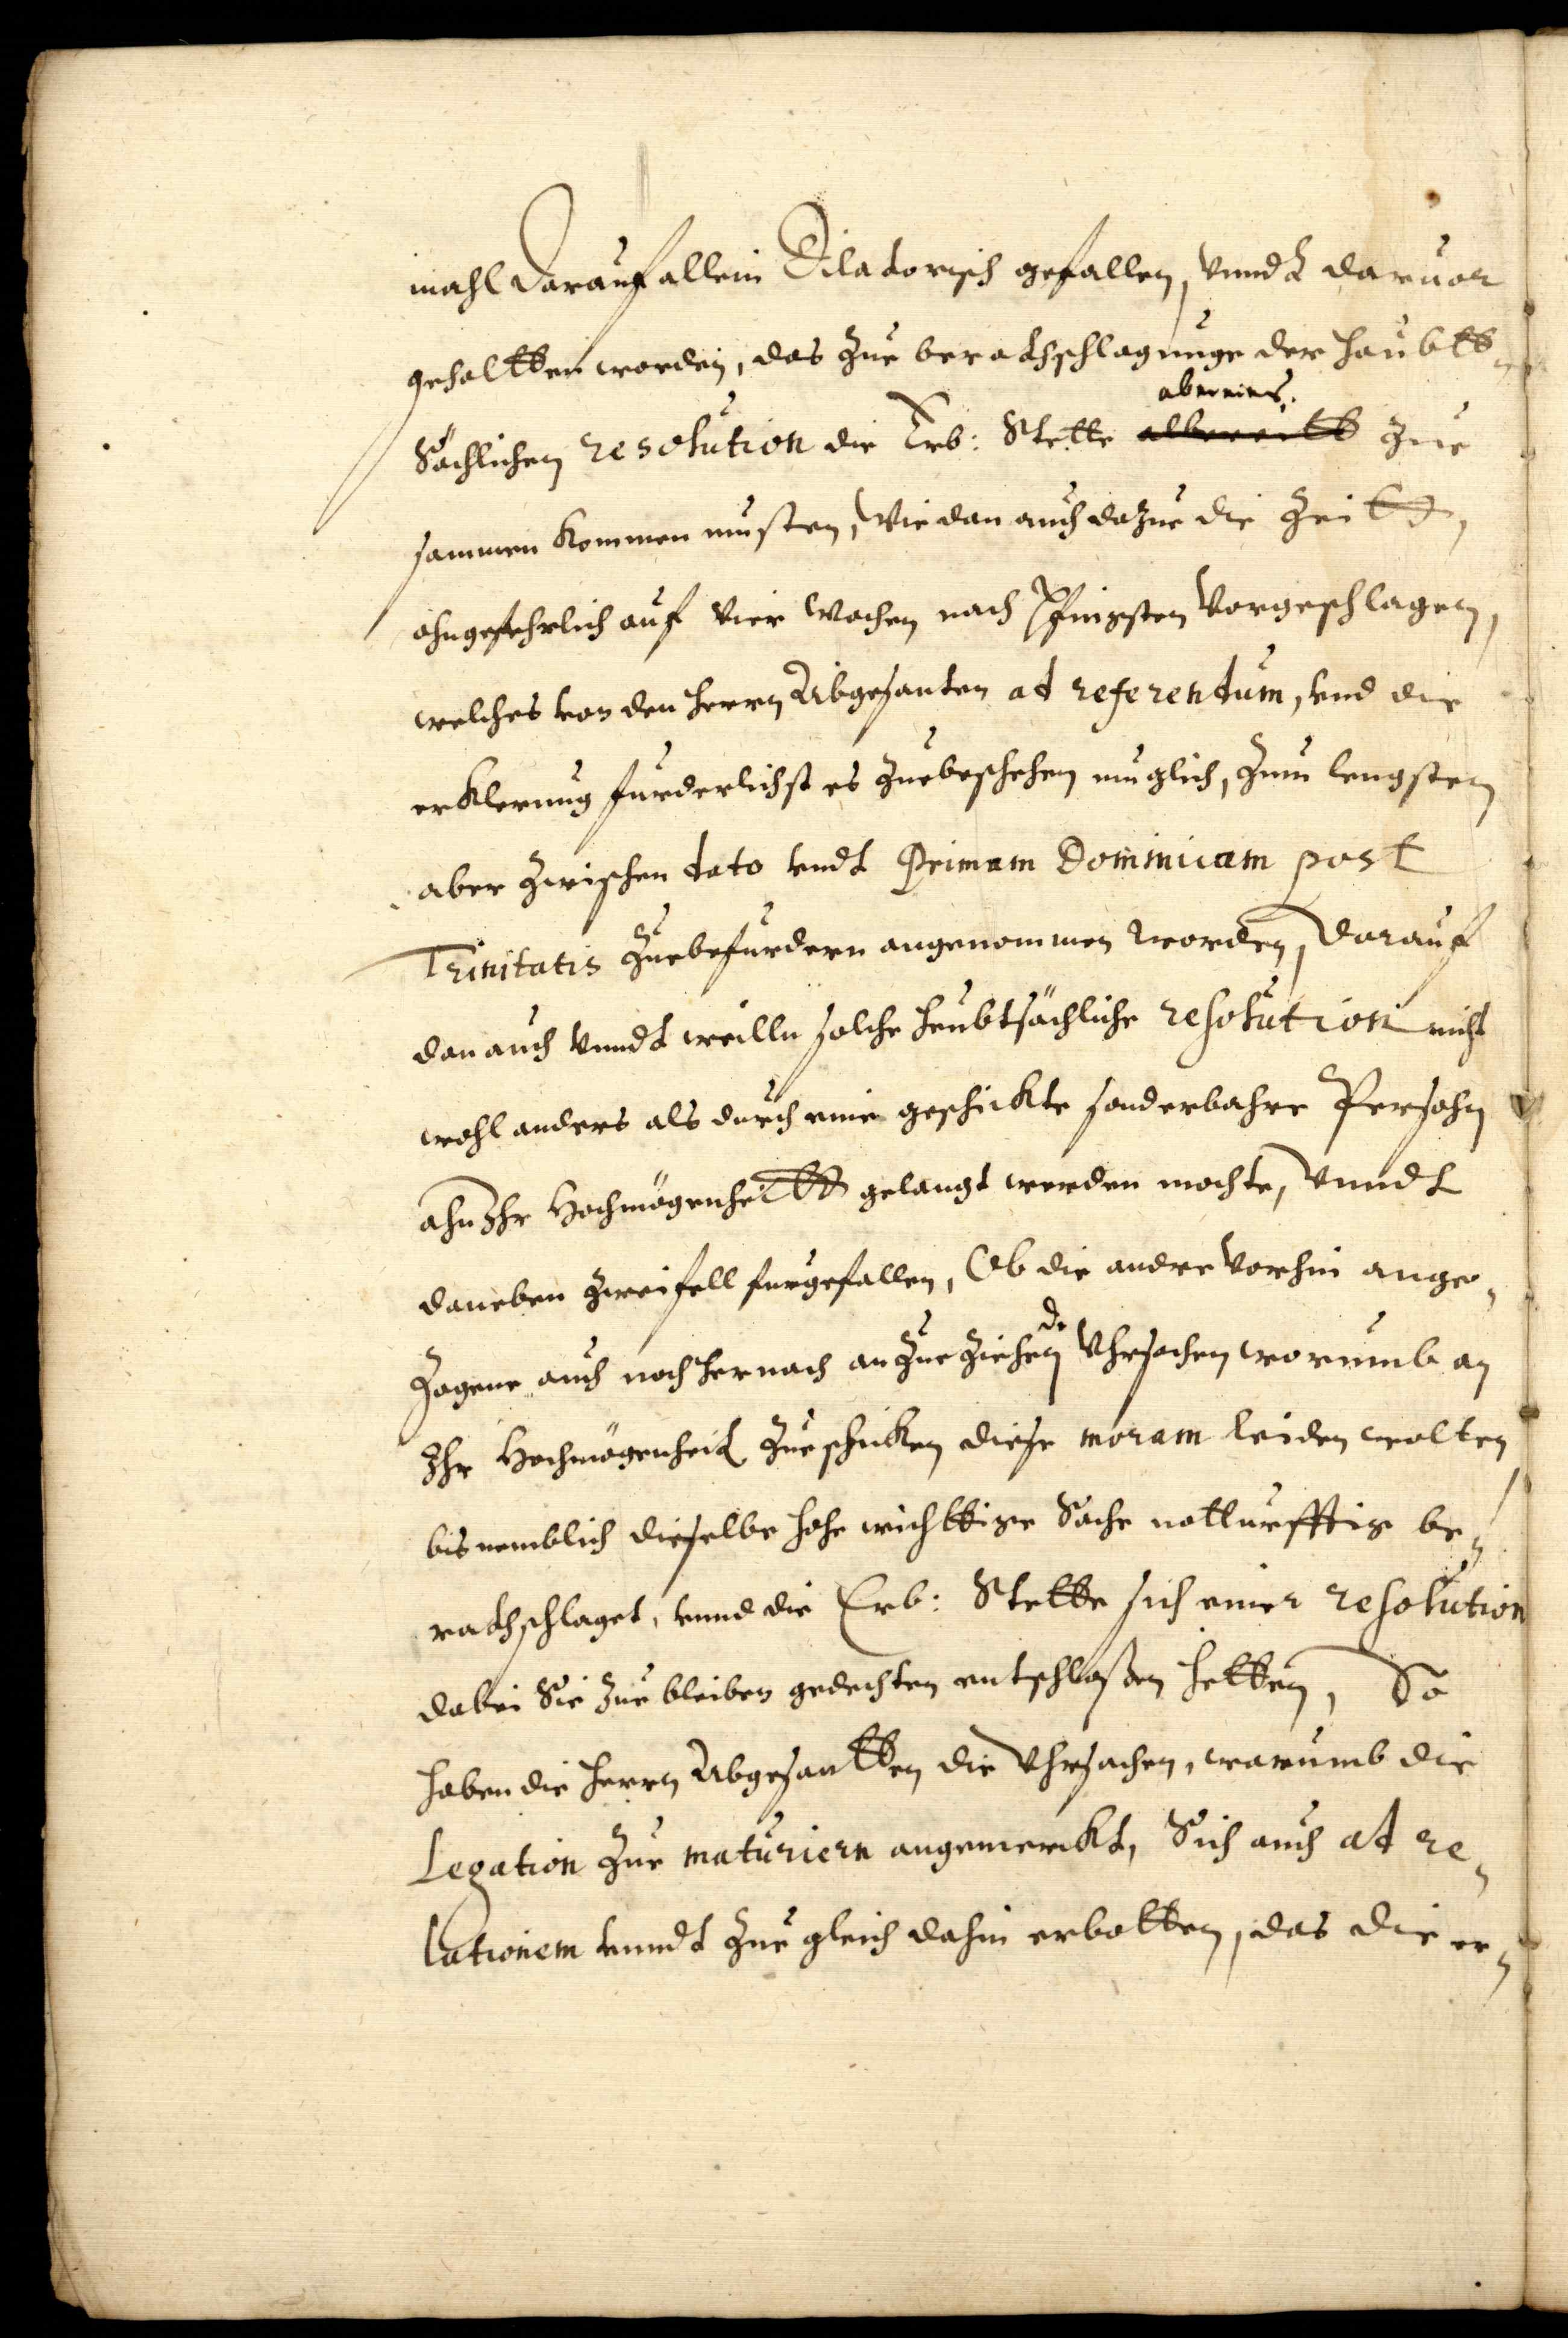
mahl darauf allein Dilatorisch gefallen, vnndt daruor
gehallten worden, das zue berathschlagunge der haubtt¬
aber eins
Sächlichen resolution der Erb: Stette albereitt Zue¬
sammen kommen musten, Wie dan auch dazue die Zeitt,
ohngefehrlich auf Vier Wochen nach Pfingsten Vorgeschlagen,
welches von den herrn Abgesanten ad referendum, vnd die
erklerung furderlichst es Zuebeschehen muglich, Zum lengsten
aber Zwischen dato vndt Primam Dominicam post
Trinitatis Zuebefurdern angenommen worden, Darauf
dan auch vnndt weilln solche heubtsächliche resolutuion nicht
wohl anders als durch eine geschickte sonderbahre Persohn
ahn Ihr Hochmögenheitt gelangt werden mochte, Vnndt
daneben zweifell furgefallen, Ob die andre Vorhin ange¬
de
zogene auch noch hernach an zue ziehen Vhrsachen worumb an
Ihr Hochmögenheit Zueschicken diese moram leiden wolten,
bis nemblich dieselbe hohe wichttige Sache notturfftig be¬
rathschlaget, vnnd die Erb: Stette sich einer resolution
dabei Sie zue bleiben gedechten entschloßen hetten, So
haben die herrn Abgesantten die Vhrsachen, warumb die
Legation zue maturiern angemerckt, Sich auch at re¬
lationem vnndt zue gleich dahin erbotten, das die er¬
